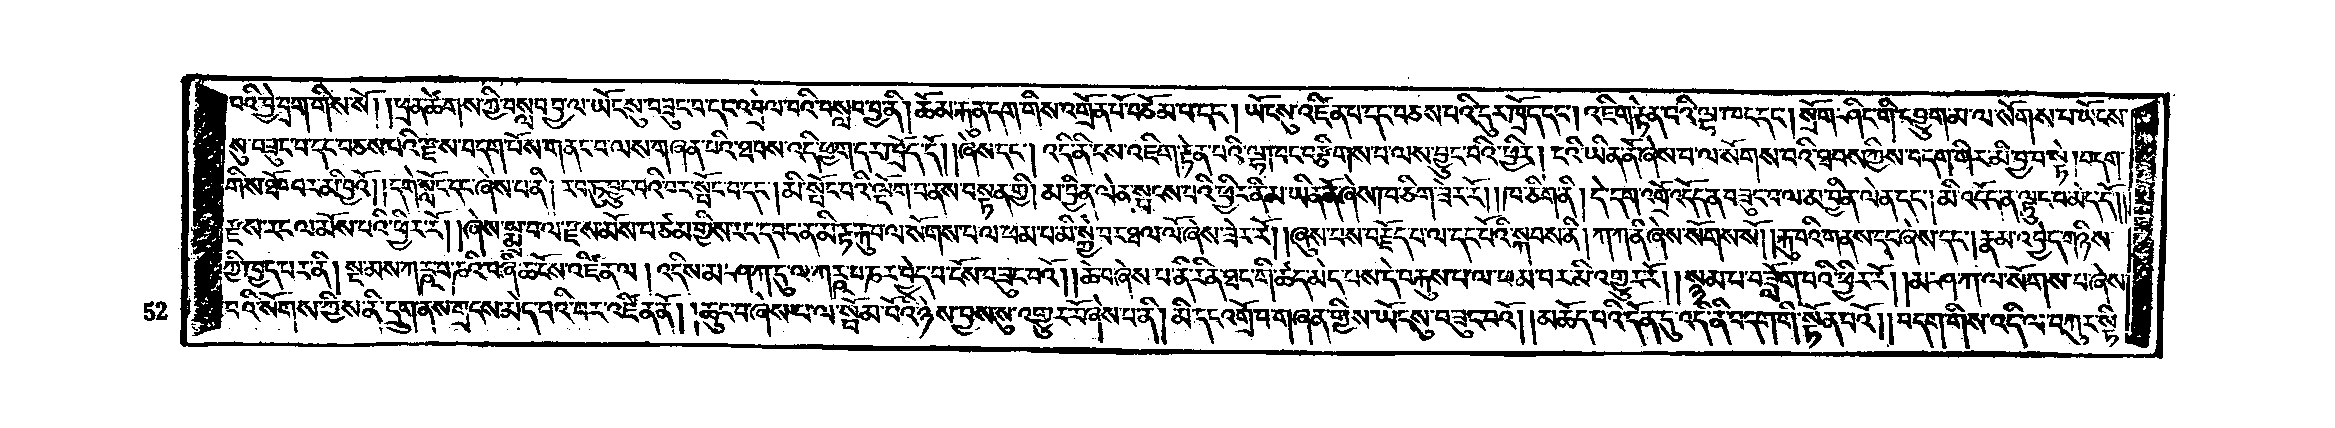པའི་བྱེ་བྲག་གིས་སོ། །ཕྲན་ཚེགས་ཀྱི་བསླབ་བྱ་ལ་ཡོངས་སུ་བཟུང་བ་དང་འབྲེལ་བའི་བསླབ་བྱ་ནི། ཆོམ་རྐུན་དག་གིས་འགྲོན་པོ་བཅོམ་པ་དང་། ཡོངས་སུ་འཛིན་པ་དང་བཅས་པའི་དུར་ཁྲོད་དང་། འཇིག་རྟེན་པའི་ལྷ་ཁང་དང་། སྲོག་ཤིང་གི་དབྱུག་མ་ལ་སོགས་པ་ཡོངས་
སུ་བཟུང་བ་དང་བཅས་པའི་རྫས་བདག་པོས་གནང་བ་ལས་གཞན་པའི་ཐབས་འདི་ཕྱག་དར་ཁྲོད་དེ། །ཞེས་དང་། འདི་ནི་ངས་འཇིག་རྟེན་པའི་ལྷ་ཁང་བརྩིགས་པ་ལས་བྱུང་བའི་ཕྱིར། ངའི་ཡིན་ནོ་ཞེས་པ་ལ་སོགས་པའི་ཐབས་ཀྱིས་བདག་གིར་མི་བྱ་བ་སྟེ། བདག་
གིས་ཐོབ་པར་མི་བྱའོ། །དགེ་སློང་དང་ཞེས་པ་ནི། རབ་ཏུ་བྱུང་བའི་བར་སྤོང་བ་དང་། མི་སྤོང་བའི་ལྡོག་པ་ནས་བསྟན་གྱི། མ་བྱིན་ལེན་སྤངས་པའི་ཕྱིར་ནི་མ་ཡིན་ནོ་ཞེས་ཁ་ཅིག་ཟེར་རོ། །ཁ་ཅིག་ནི། དེ་དག་འགྲོ་འདོད་ན་བཟུང་བ་ལ་མ་བྱིན་ལེན་དང་། མི་འདོད་ན་ལྟུང་བ་མེད་དོ། །
རྫས་རང་ལ་མོས་པའི་ཕྱིར་རོ། །ཞེས་སྨྲ་བ་ལ་རྫས་མོས་པ་ཙམ་གྱིས་རང་དབང་ན་མི་རྟ་རྐུ་བ་ལ་སོགས་པ་ལ་ཕམ་པ་མི་སྐྱེ་བར་ཐལ་ལོ་ཞེས་ཟེར་རོ། །ཞུས་པས་བརྗོད་པ་ལ་དང་པོའི་སྐབས་ནི། ཀ་ཀ་ནི་ཞེས་སོགས་སོ། །རྐུ་བའི་གནས་དང་ཞེས་དང་། རྣམ་འབྱེད་གཉིས་
ཀྱི་ཁྱད་པར་ནི། སྔ་མས་ཀརྵ་པ་ཎའི་བཞི་ཆ་ངོས་འཛིན་ལ། འདིས་མ་ཤ་ཀ་དུ་ལ་ཀརྵ་པ་ཎར་བྱེད་པ་ངོས་བཟུང་བའོ། །ཆེ་བ་ཞེས་པ་ནི་རིན་ཐང་གི་ཚད་མེད་པས་དེ་བརྐུས་པ་ལ་ཕམ་པར་མི་འགྱུར་རོ། །སྙམ་པ་བཟློག་པའི་ཕྱིར་རོ། །མ་ཤ་ཀ་ལ་སོགས་པ་ཞེས་
པའི་སོགས་ཀྱིས་ནི་དྲུག་ནས་གྲངས་མེད་པའི་བར་འཛིན་ནོ། །ཆུང་བ་ཞེས་པ་ལ་སྦོམ་པོའི་ཉེས་བྱས་སུ་འགྱུར་རོ་ཞེས་པ་ནི། མི་དང་འགྲོ་བ་གཞན་གྱིས་ཡོངས་སུ་བཟུང་བའོ། །མཆོད་པའི་དོན་དུ་འདི་ནི་བདག་གི་སྟོན་པའོ། །བདག་གིས་འདི་ལ་བཀུར་སྟི་